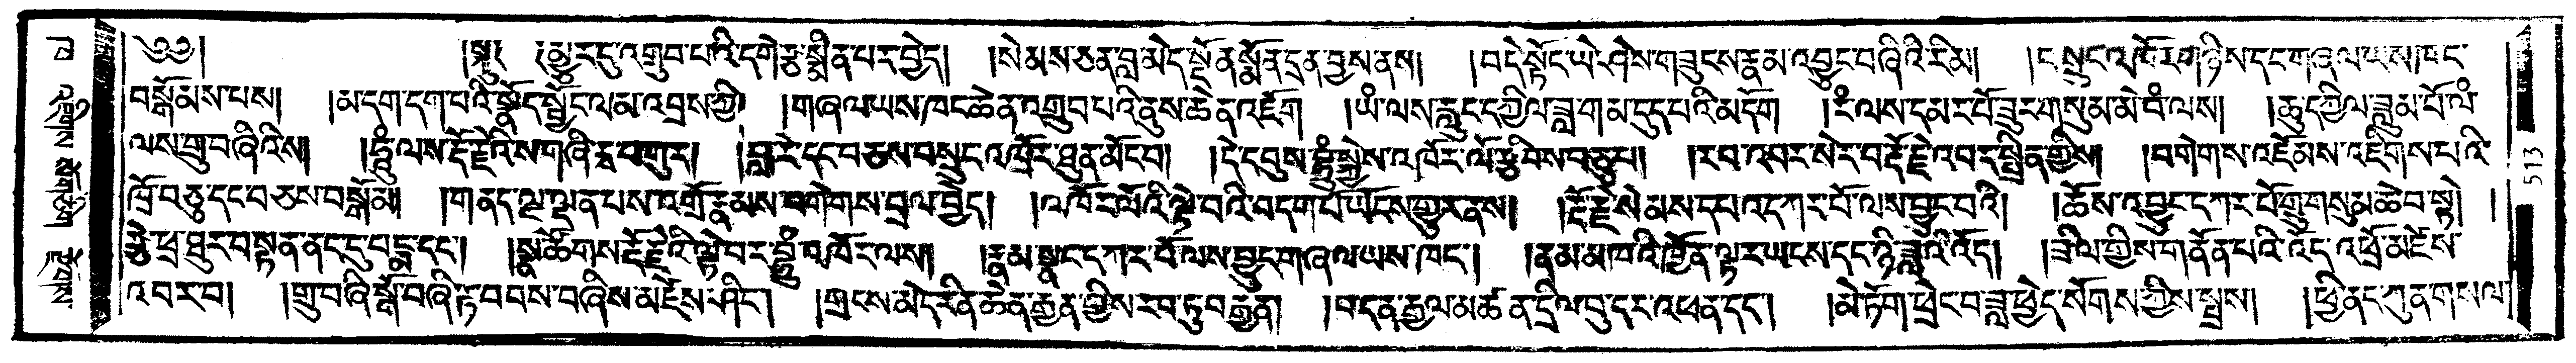༄༅། །སྐུ༑ ༑མྱུར་དུ་འགྲུབ་པའི་དགེ་རྩ་སྨིན་པར་བྱེད། །སེམས་ཅན་བླ་མེད་སྔོན་སྨོན་དྲན་བྱས་ནས། །བདེ་སྟོང་ཡེ་ཤེས་གཟུངས་རྣམ་འབྱུང་བཞིའི་རིམ། །བསྲུང་འཁོར་གཉིས་དང་གཞལ་ཡས་ཁང་
བསྒོམས་པས། །མ་དག་དག་པའི་སྣོད་སྦྱོང་ལམ་འབྲས་ཀྱི། །གཞལ་ཡས་ཁང་ཆེན་འགྲུབ་པའི་ནུས་ཆེན་འཇོག །ཡཾ་ལས་རླུང་དཀྱིལ་ཟླ་གམ་དུད་པའི་མདོག །རཾ་ལས་དམར་པོ་ཟུར་གསུམ་མེ་བཾ་ལས། །ཆུ་དཀྱིལ་ཟླུམ་པོ་ལམ་
ལས་གྲུ་བཞིའི་ས། །ཧཱུཾ་ལས་རྡོ་རྗེའི་ས་གཞི་རྭ་བ་གུར། །བླ་རེ་དང་བཅས་བསྲུང་འཁྲོར་ཐུན་མོང་བ། །དེ་དབུས་བྷྲུཾ་སྐྱེས་འཁོར་ལོ་རྩིབས་བཅུ་པ། །རབ་འབར་སེར་བ་རྡོ་རྗེ་འབར་སྤྲིན་གྱིས། །བགེགས་འཇོམས་འཇིགས་པའི་
ཁྲོ་བཅུ་དང་བཅས་བསྒོམ། །གནད་ལྔ་ལྡན་པས་འགྲོ་རྣམས་བགེགས་བྲལ་བྱེད། །འཁོར་ལོའི་ལྟེ་བའི་བདག་པོ་ཡོངས་གྱུར་ནས། །རྡོ་རྗེ་སེམས་དཔའ་དཀར་པོ་ལས་བྱུང་བའི། །ཆོས་འབྱུང་དཀར་པོ་གྲུ་གསུམ་ཆེ་བ་སྟེ། །
རྩེ་ཕྲ་ཐུར་བསྟན་ནང་དུ་པདམ་དང་། །སྣ་ཚོགས་རྡོ་རྗེའི་ལྟེ་བར་བྷྲུཾ་འཁོར་ལས། །རྣམ་སྣང་དཀར་པོ་ལས་བྱུང་གཞལ་ཡས་ཁང་། །ནམ་མཁའི་ཁྱོན་ལྟར་ཡངས་དང་ཉི་ཟླའི་འོད། །ཟིལ་གྱིས་གནོན་པའི་འོད་འཕྲོ་མཛེས་
འབར་བ། །གྲུ་བཞི་སྒོ་བཞི་རྟ་བབས་བཞིས་མཛེས་ཤིང་། །གྲངས་མེད་རིན་ཆེན་རྒྱན་གྱིས་རབ་ཏུ་བརྒྱན། །བ་དན་རྒྱལ་མཚན་དྲིལ་བུ་དང་འཕན་དང་། །མེ་ཏོག་ཕྲེང་བ་ཟླ་ཕྱེད་སོགས་ཀྱིས་སྤྲས། །ཕྱི་ནང་ཀུན་གསལ་